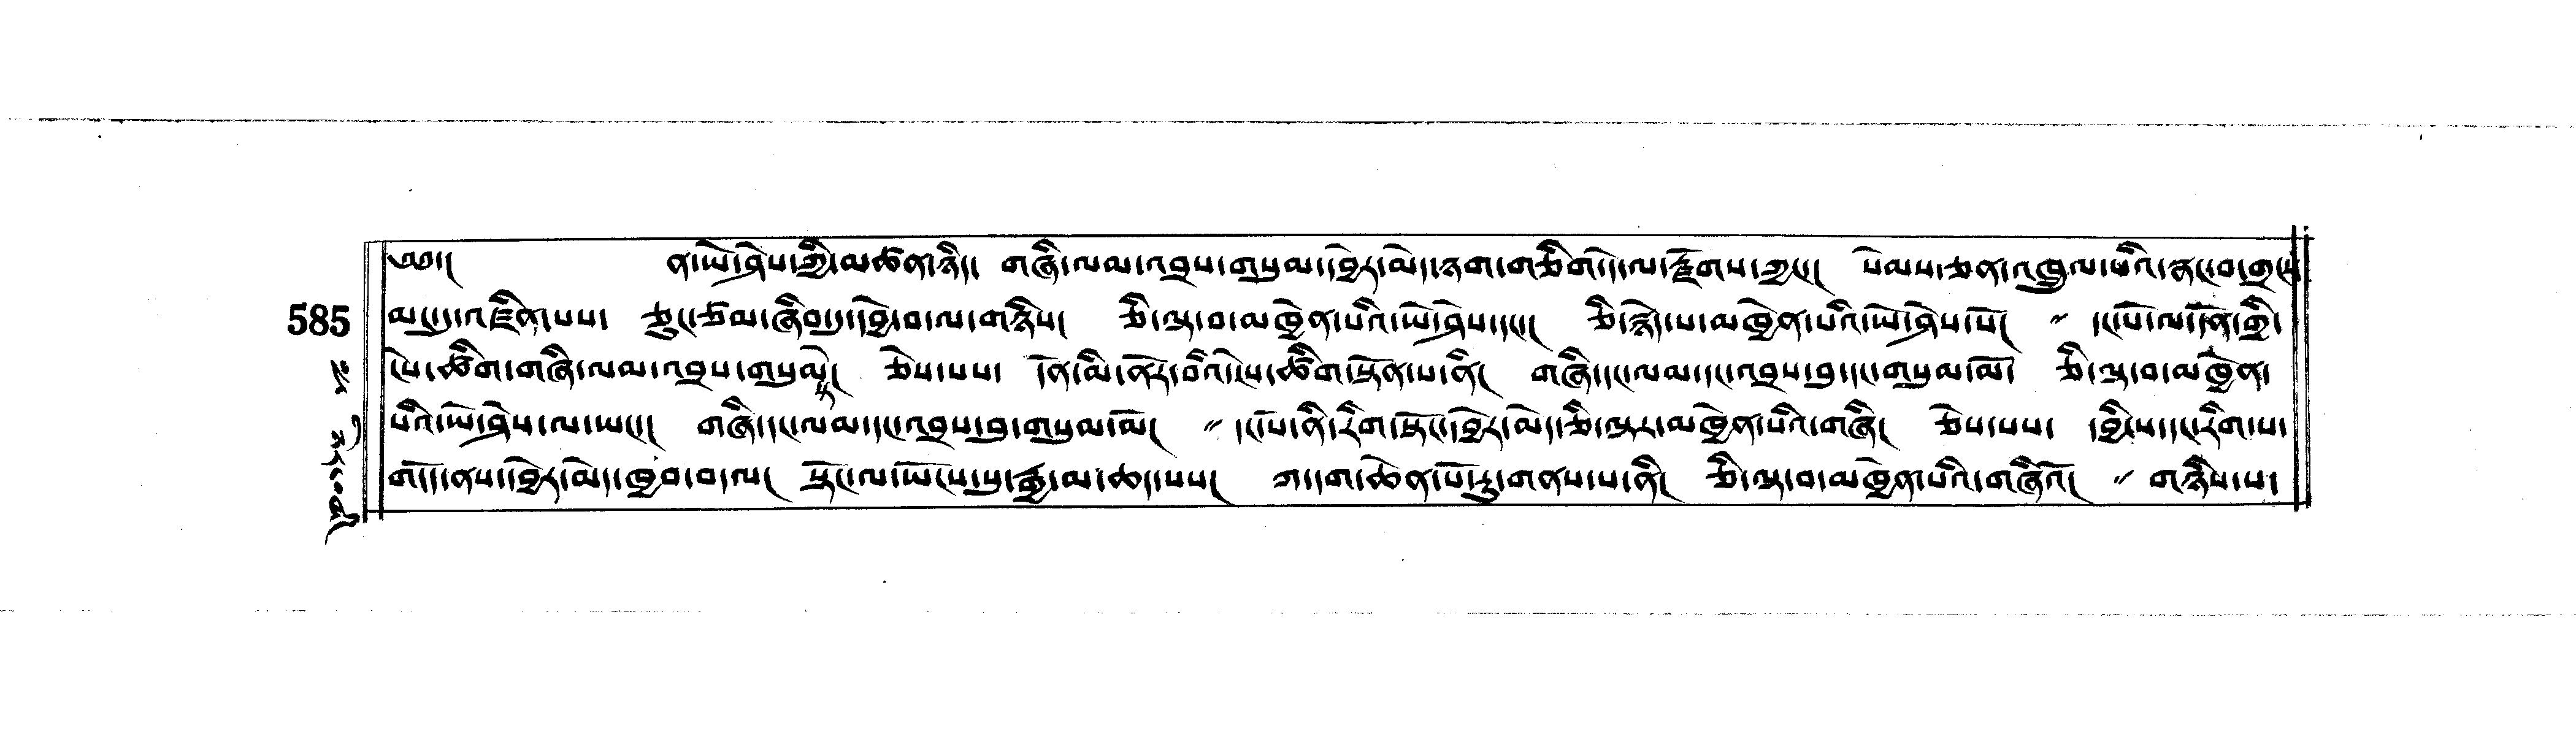ན་ཡེ་ཤེས་ཀྱི་མཚན་ཉིད། གཞི་ལམ་འབྲས་གསུམ་དབྱེར་མེད་ཉག་གཅིག་དེ་ལ་རྫོགས་ཀྱང་། སེམས་ཅན་འཁྲུལ་པའི་སྣང་བ་གྲངས་
མང་དུ་འཛིན་པས། ཅུང་ཙམ་ཞིབ་ཏུ་དབྱེ་བ་ལ་གཉིས། ཅི་ལྟ་བ་མཁྱེན་པའི་ཡེ་ཤེས་དང་། ཅི་སྙེད་པ་མཁྱེན་པའི་ཡེ་ཤེས་སོ། ༧ དང་པོ་ལ་དོན་གྱི་
ངེས་ཚིག་གཞི་ལམ་འབྲས་གསུམ་སྟེ། ཅེས་པས། དོན་མི་ནོར་བའི་ངེས་ཚིག་སྟོན་པ་ནི། གཞི་དང་ལམ་དང་འབྲས་བུ་དང་གསུམ་མོ། ཅི་ལྟ་བ་མཁྱེན་
པའི་ཡེ་ཤེས་ལའང་། གཞི་དང་ལམ་དང་འབྲས་བུ་དང་གསུམ་མོ། ༧ དང་པོ་ནི། རིག་སྟོང་དབྱེར་མེད་ཅི་ལྟར་མཁྱེན་པའི་གཞི། ཅེས་པས། དབྱིངས་དང་རིག་པ་
གདོད་ནས་དབྱེར་མེད་ཁྱབ་བདལ། སྟོང་ལ་ཡོངས་སུ་རྒྱ་མ་ཆད་པས། ཀ་དག་ཆེན་པོ་རུ་གནས་པ་ནི། ཅི་ལྟ་བ་མཁྱེན་པའི་གཞིའོ། ༧ གཉིས་པ་